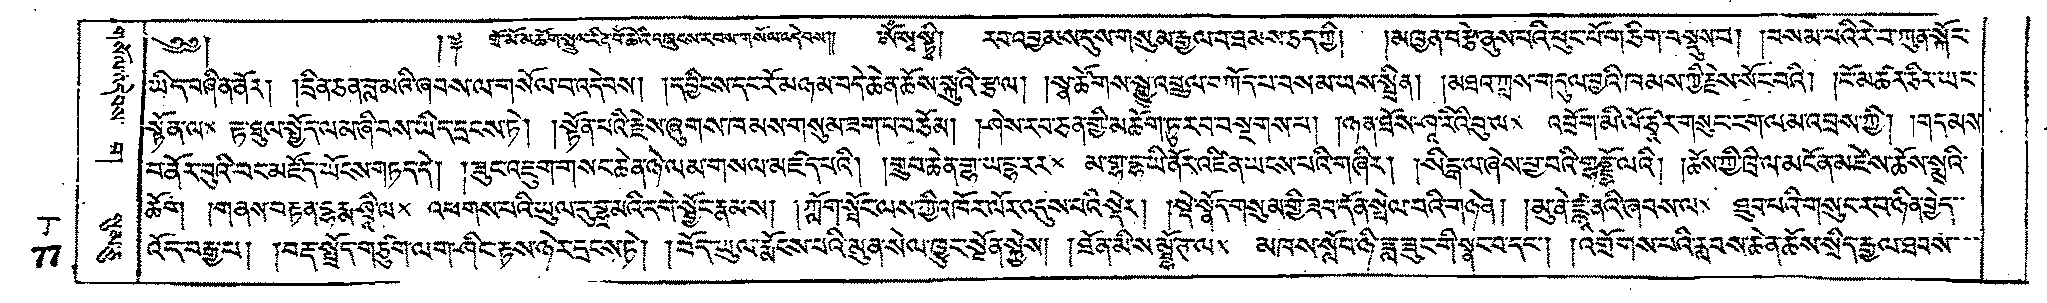༄༅། །གྲོ་མོ་མཆོག་སྤྲུལ་རིན་པོ་ཆེའི་འཁྲུངས་རབས་གསོལ་འདེབས།།  ཨོཾ་སྭསྟྭི། རབ་འབྱམས་དུས་གསུམ་རྒྱལ་བ་ཐམས་ཅད་ཀྱི། །མཁྱན་བརྩེ་ནུས་པའི་ཕུང་པོ་གཅིག་བསྡུས་པ། །བསམ་པའི་རེ་བ་ཀུན་སྐོང་
ཡིད་བཞིན་ནོར། །དྲིན་ཅན་བླ་མའི་ཞབས་ལ་གསོལ་བ་འདེབས། །དབྱིངས་དང་རོ་མཉམ་བདེ་ཆེན་ཆོས་སྐུའི་རྩལ། །སྣ་ཚོགས་སྒྱུར་འཕྲུལ་བཀོད་པ་བསམ་ཡས་སྤྲིན། །མཐའ་ཀླས་གདུལ་བྱའི་ཁམས་ཀྱི་རྗེས་སོང་བའི། །ངོ་མཚར་ཅིར་ཡང་
སྟོན་ལ་྾་རྟ་ཐུལ་སྤྱོད་ལམ་ཞི་བས་ཡིད་དྲངས་ཏེ། །སྟོན་པའི་རྗེས་ཞུགས་ཁམས་གསུམ་ཟག་པ་བཅོམ། །ཤེས་རབ་ཅན་གྱི་མཆོག་ཏུ་རབ་བསྔགས་པ། །ཉན་ཐོས་ཤཱ་རིའི་བུ་ལ་྾་འབྲོག་མི་ལོ་ཙཱར་གསུང་ངག་ལམ་འབྲས་ཀྱི། །གདམས་
པ་ནོར་བུའི་བང་མཛོད་ཡོངས་གཏད་དེ། །ཟུང་འཇུག་གསང་ཆེན་ཉེ་ལམ་གསལ་མཛད་པའི། །གྲུབ་ཆེན་གྷ་ཡ་དྷ་རར་྾་མ་གྷ་དྷ་ཡི་ནོར་འཛིན་ཡངས་པའི་གཞིར། །སིངྒ་ལ་ཞེས་བྱ་བའི་གྷོཎྡྷོ་ལའི། །ཆོས་ཀྱི་ཁྲི་ལ་མངོན་མཛེས་ཆོས་སྨྲའི་
ཆོག །གནས་བརྟན་དྷརྨ་ཤྲཱི་ལ་྾་འཕགས་པའི་ཡུལ་དུ་བྷྲ་མའི་དགེ་སྦྱོང་རྣམས། །ཀློག་སྤོང་ལས་ཀྱི་འཁོར་ལོར་འདུས་པའི་སྡེར། །སྡེ་སྣོད་གསུམ་གྱི་ཟབ་དོན་སྤེལ་བའི་གཉེན། །མུ་ནེ་ཛྙཱ་ནའི་ཞབས་ལ་྾་ཐུབ་པའི་གསུང་རབ་ཉིན་བྱེད་་་
འོད་བརྒྱ་པ། །བརྡ་སྤྲོད་གཙུག་ལག་ཤིང་རྟས་ཉེར་དྲངས་ཏེ། །བོད་ཡུལ་རྨོངས་པའི་མུན་སེལ་ཁྱུང་སྔོན་སྐྱེས། །ཐོན་མི་སམྦྷོ་ཊ་ལ་྾་མཁས་སློབ་ཉི་ཟླ་ཟུང་གི་སྣང་བ་དང་། །འགྲོགས་པའི་རླབས་ཆེན་ཆོས་སྲིད་རྒྱལ་ཐབས་་་